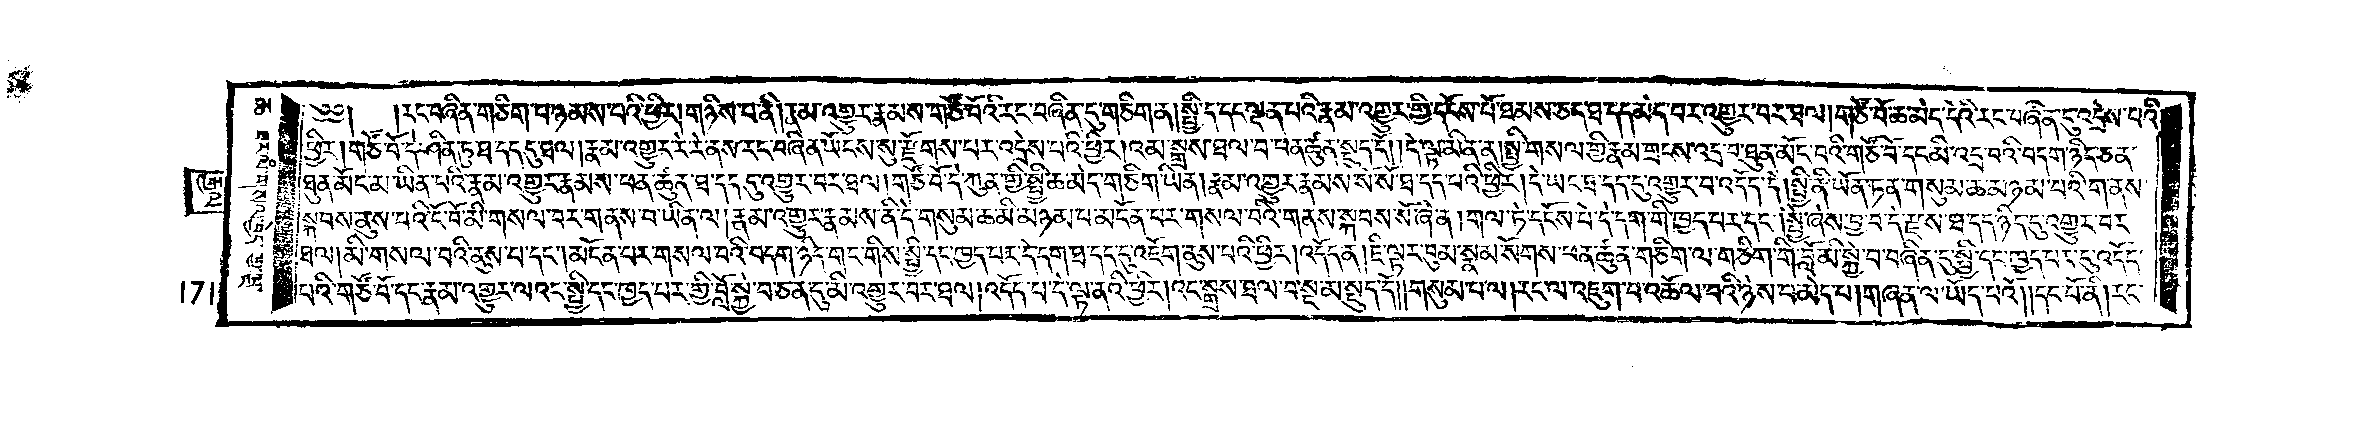༄༅། །རང་བཞིན་གཅིག་པ་ཉམས་པའི་ཕྱིར། གཉིས་པ་ནི། རྣམ་འགྱུར་རྣམས་གཙོ་བོའི་རང་བཞིན་དུ་གཅིག་ན། སྤྱི་དེ་དང་ལྡན་པའི་རྣམ་འགྱུར་གྱི་དངོས་པོ་ཐམས་ཅད་ཐ་དད་མེད་པར་འགྱུར་བར་ཐལ། གཙོ་བོ་ཆ་མེད་དེའི་རང་བཞིན་དུ་འདྲེས་པའི་
ཕྱིར། གཙོ་བོ་དེ་ཤིན་ཏུ་ཐ་དད་དུ་ཐལ། རྣམ་འགྱུར་རེ་རེ་ནས་རང་བཞིན་ཡོངས་སུ་རྫོགས་པར་འདྲེས་པའི་ཕྱིར། འམ་སྒྲས་ཐལ་བ་ཕན་ཚུན་སྡུད་དོ། །དེ་ལྟ་མིན་ན། སྤྱི་གསལ་གྱི་རྣམ་གྲངས་འདྲ་བ་ཐུན་མོང་བའི་གཙོ་བོ་དང་མི་འདྲ་བའི་བདག་ཉིད་ཅན་
ཐུན་མོང་མ་ཡིན་པའི་རྣམ་འགྱུར་རྣམས་ཕན་ཚུན་ཐ་དད་དུ་འགྱུར་བར་ཐལ། གཙོ་བོ་དེ་ཀུན་གྱི་སྤྱི་ཆ་མེད་གཅིག་ཡིན། རྣམ་འགྱུར་རྣམས་སོ་སོ་ཐ་དད་པའི་ཕྱིར། དེ་ཡང་ཐ་དད་དུ་འགྱུར་བ་འདོད་དེ། སྤྱི་ནི་ཡོན་ཏན་གསུམ་ཆ་མཉམ་པའི་གནས་
སྐབས་ནུས་པའི་ངོ་བོ་མི་གསལ་བར་གནས་པ་ཡིན་ལ། རྣམ་འགྱུར་རྣམས་ནི་དེ་གསུམ་ཆ་མི་མཉམ་པ་མངོན་པར་གསལ་བའི་གནས་སྐབས་སོ་ཞེ་ན། གལ་ཏེ་དངོས་པོ་དེ་དག་གི་ཁྱད་པར་དང་། སྤྱི་ཞེས་བྱ་བ་དེ་རྫས་ཐ་དད་ཉིད་དུ་འགྱུར་བར་
ཐལ། མི་གསལ་བའི་ནུས་པ་དང་། མངོན་པར་གསལ་བའི་བདག་ཉིད་གང་གིས་སྤྱི་དང་ཁྱད་པར་དེ་དག་ཐ་དད་དུ་འཇོག་ནུས་པའི་ཕྱིར། འདོད་ན། ཇི་ལྟར་བུམ་སྣམ་སོགས་ཕན་ཚུན་གཅིག་ལ་གཅིག་གི་བློ་མི་སྐྱེ་བ་བཞིན་དུ་སྤྱི་དང་ཁྱད་པར་དུ་འདོད་
པའི་གཙོ་བོ་དང་རྣམ་འགྱུར་ལའང་སྤྱི་དང་ཁྱད་པར་གྱི་བློ་སྐྱེ་བ་ཅན་དུ་མི་འགྱུར་བར་ཐལ། འདོད་པ་དེ་ལྟ་ནའི་ཕྱིར། འང་སྒྲས་ཐལ་བ་སྔ་མ་སྡུད་དེ། །གསུམ་པ་ལ། རང་ལ་འཇུག་པ་འཆོལ་བའི་ཉེས་པ་མེད་པ། གཞན་ལ་ཡོད་པའོ། །དང་པོ་ནི། རང་